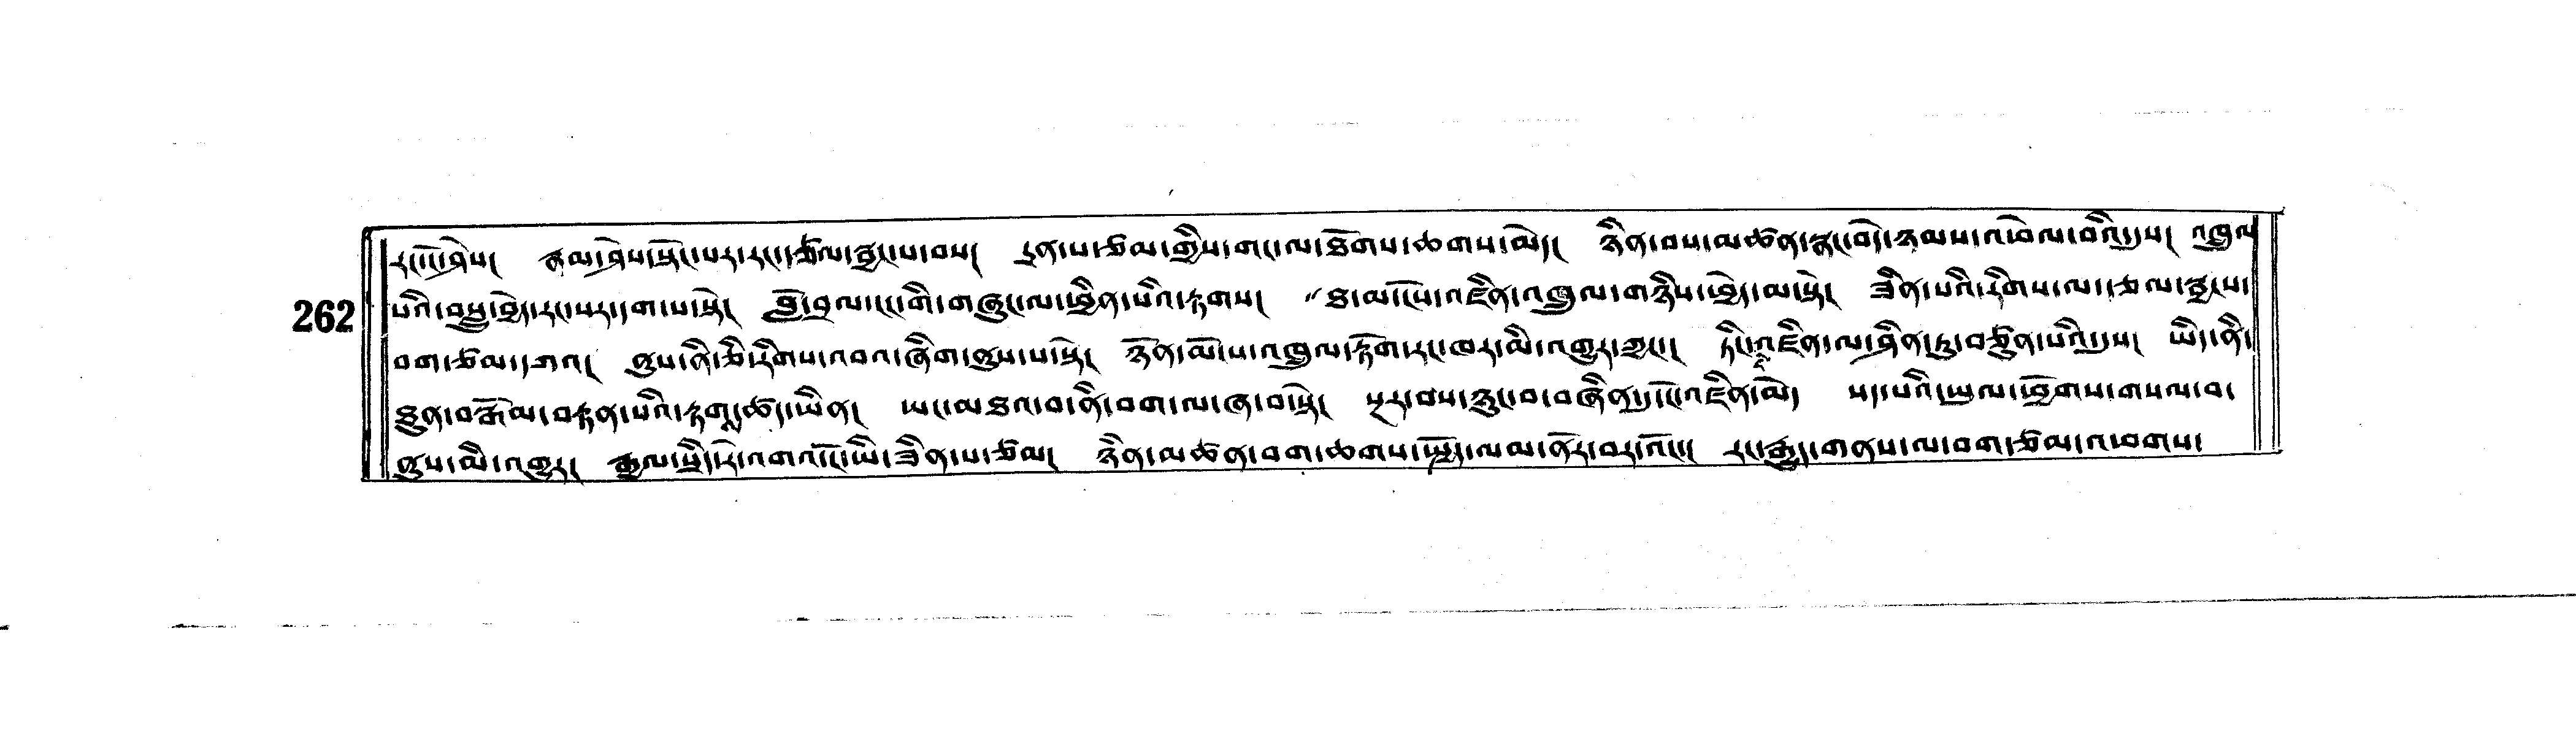རང་ངོ་ཤེས། རྣམ་ཤེས་སྟོང་པར་རང་རྩལ་སྦྱངས་པས། དྲན་པ་ཙམ་གྱིས་གང་ལ་ཐོགས་ཆགས་མེད། ཉིན་བས་མཚན་སྣང་བདེ་ཉམས་འཕེལ་བའི་དུས། འཁྲུལ་
པའི་བསླུ་བྱེད་རང་སར་དག་པ་སྟེ། བློ་བྲལ་ངང་གི་གཞུང་ལ་ཕྱིན་པའི་རྟགས། ༧ ཐ་མ་ངོས་འཛིན་འཁྲུལ་གཉིས་ཕྱེད་མ་སྟེ། ཟིན་པའི་རིགས་ལ་རྩལ་སྦྱངས་
བག་ཙམ་དཀའ། ནུས་ནི་ཅི་རིགས་འབའ་ཞིག་ནུས་པ་སྟེ། ཉོན་མོངས་འཁྲུལ་རྟོག་རང་ཁར་མི་འགྱུར་ཀྱང་། ཏིང་ངེ་འཛིན་ལ་ཤིན་ཏུ་བཙུན་པའི་དུས། ཡིད་ནི་
ཐུན་སྒོམ་བརྟན་པའི་རྟགས་ཚད་ཡིན། ཡང་མཐའ་བ་ནི་བག་ལ་ཞ་བ་སྟེ། སྔར་བས་ཉུང་བ་བཞིན་དུ་ངོས་འཛིན་མེད། སད་པའི་ཡུལ་ཕྱོགས་གསལ་བ་
ནུས་མི་འགྱུར། རྒྱལ་སྲིད་རེ་འགའ་ངོ་ཡིས་ཟིན་པ་ཙམ། ཉིན་མཚན་བག་ཆགས་སྤྱོད་ལམ་ནོར་བར་འོང་། རང་རྒྱུད་གནས་ལ་བག་ཙམ་འཕགས་